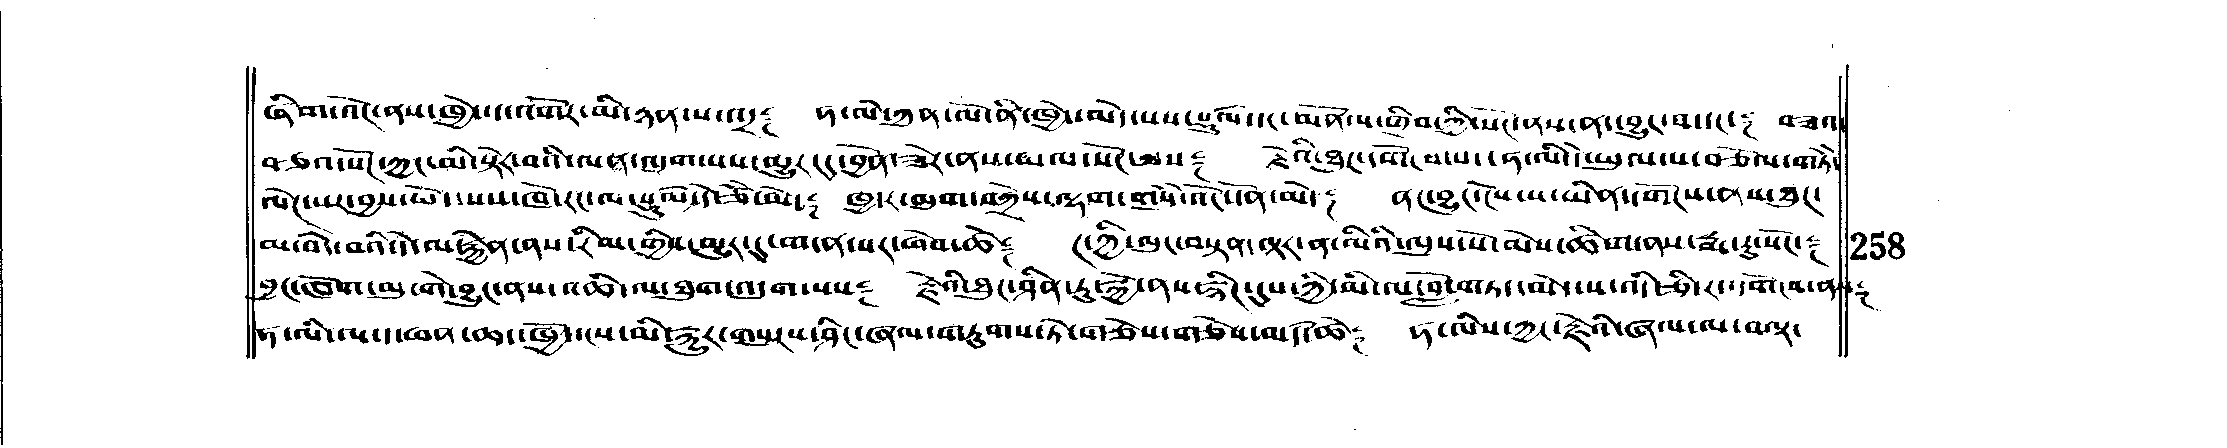ཞིག་འོང་ནས་ཁྱེད་ད་འགོར་མི་ཉན་པ་འདྲ། ཧ་ལི་ཀུན་མོ་ནི་ཁྱེད་མེད་པས་སྡུག་བསྔལ་དང་མནོལ་གྲིབ་ཀྱི་སོང་ནས་ནད་བྱུང་བ་དང་། བཟའ་
བཅའ་སོགས་ཀྱང་མི་སྟེར་བའི་ལན་འདུག་པས་མྱུར་དུ་བྱོན་ཟེར་ནས་ཡལ་སོང་བས། རྗེའི་ཐུགས་དགོངས་སད་ཧ་ལི་དེ་ཡུལ་པར་བཅོལ་གཏམ་
ལེགས་པར་བྱས་ཡོད་པས་ཁོ་རང་ལ་སྡུག་བསྔལ་དེ་ཙམ་མེད། ཁྱད་པར་མུག་བཀྲེས་ལྷག་གསུམ་འོང་དོན་མེད། ནད་བྱུང་ངེས་པ་ཡིན་དགོངས་ནས་ཐུགས་
མ་བདེ་བའི་དེ་ལ་རྐྱེན་ནས་རིམ་གྱིས་མྱུར་དུ་གདན་སར་ཕེབས་ཚེ། ཌཱཀྐི་ལུང་བསྟན་ལྟར་ཧ་ལྀའི་ལུས་པོ་མེས་ཚིག་ནས་རྨ་རུ་སོང་།
བྱང་ཁོག་མུ་གེ་བྱུང་ནས་འཆི་ལ་ཐུག་འདུག་པས། རྗེའི་ཐུགས་ཤིན་ཏུ་སྐྱོ་ནས་སྙིགས་དུས་ཀྱི་མི་ལ་བློ་གཏད་མེད་པ་འདི་ཅི་རེད་དགོངས་ནས། 
ཧ་ལི་ལ་ད་ཕན་ཆད་ཁྱོད་ངས་མི་སྐྱུར་གསུངས་ཤིང་ཞལ་གཏུགས་ཏེ་གཅེས་གཅེས་མཛད་ཚེ། ཧ་ལིས་ཀྱང་རྗེའི་ཞལ་ལ་བལྟ།